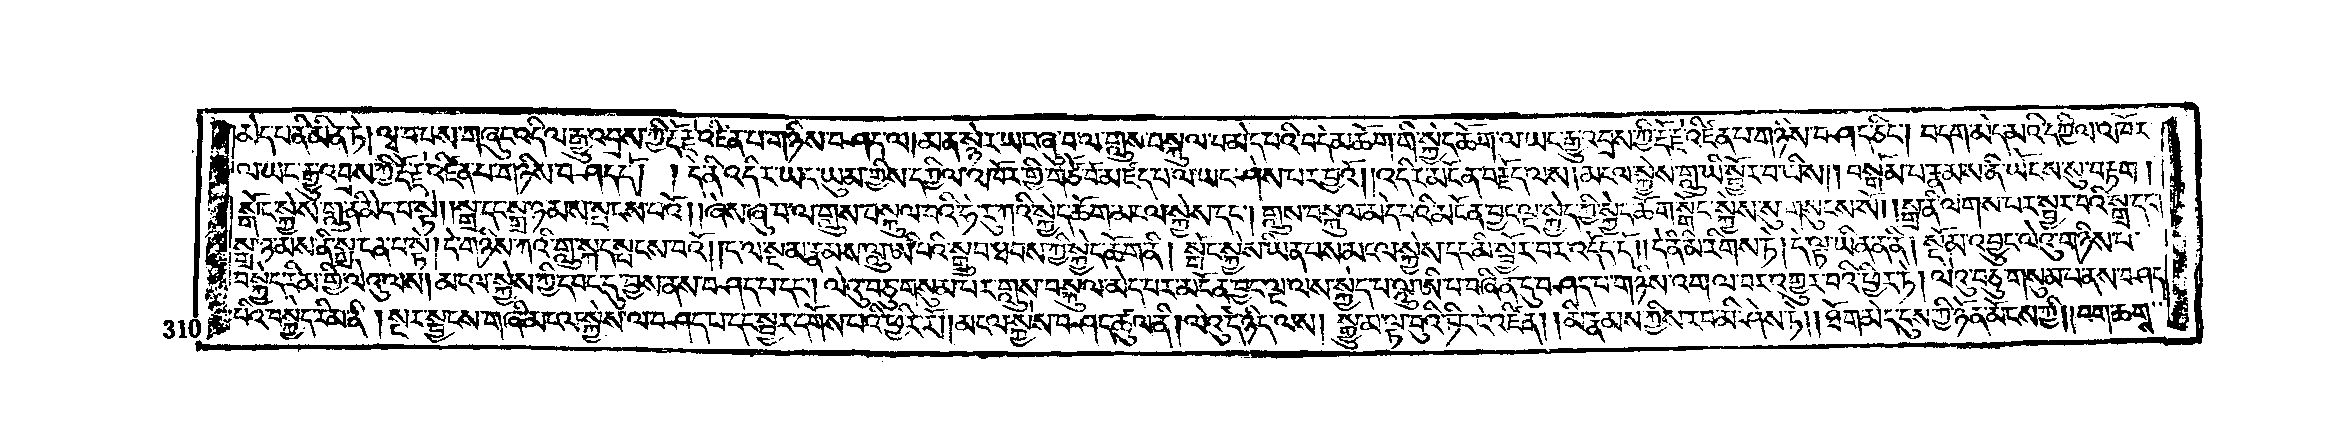མེད་པ་ནི་མིན་ཏེ། ལྭ་བ་པས་གཞུང་འདི་ལ་རྒྱུ་འབྲས་ཀྱི་རྡོ་རྗེ་འཛིན་པ་གཉིས་བཤད་ལ། མན་སྙེར་ཡང་ཞུ་བ་ལ་གླུས་བསྐུལ་བ་མེད་པའི་བདེ་མཆོག་གི་སྐྱེད་ཆོག་ལ་ཡང་རྒྱུ་འབྲས་ཀྱི་རྡོ་རྗེ་འཛིན་པ་གཉིས་བཤད་ཅིང་། བདག་མེད་མའི་དཀྱིལ་འཁོར་
ལ་ཡང་རྒྱུ་འབྲས་ཀྱི་རྡོ་རྗེ་འཛིན་པ་གཉིས་བཤད་དོ། །དེ་ནི་འདིར་ཡང་ཡུམ་གྱིས་དཀྱིལ་འཁོར་གྱི་གཙོ་བོ་མཛད་པ་ལ་ཡང་ཤེས་པར་བྱའོ། །འདིར་མངོན་བརྗོད་ལས། མངལ་སྐྱེས་གླུ་ཡི་སྦྱོར་བ་ཡིས། །བསྒོམ་པ་རྣམས་ནི་ཡོངས་སུ་བརྟག །
སྒོང་སྐྱེས་གླུ་ནི་མེད་པ་སྟེ། །སྒྲ་དང་སྒྲ་ཉམས་སྤངས་པའོ། །ཞེས་ཞུ་བ་ལ་གླུས་བསྐུལ་བའི་ཧེ་རུ་ཀའི་སྐྱེད་ཆོག་མངལ་སྐྱེས་དང་། གླུས་བསྐུལ་མེད་པའི་མངོན་བྱང་ལྔ་སྐྱེད་ཀྱི་སྐྱེད་ཆོག་སྒོང་སྐྱེས་སུ་གསུངས་སོ། །སྒྲ་ནི་ལེགས་པར་སྦྱར་བའི་སྒྲ་དང་།
སྒྲ་ཉམས་ནི་སྒྲ་ངན་པ་སྟེ། དེ་གཉིས་ཀའི་གླུ་སྐད་སྤངས་བའོ། །།དེ་ལ་སྔ་མ་རྣམས་ལཱུ་ཨི་པའི་སྒྲུབ་ཐབས་ཀྱི་སྐྱེད་ཆོག་ནི། སྒོང་སྐྱེས་ཡིན་པས་མངལ་སྐྱེས་དང་མི་སྦྱོར་བར་འདོད་དོ། །དེ་ནི་མི་རིགས་ཏེ། དེ་ལྟ་ཡིན་ན་ནི། སྡོམ་འབྱུང་ལེའུ་གཉིས་པ་
བསྐྱེད་རིམ་གྱི་ལེའུ་ལས། མངལ་སྐྱེས་ཀྱི་དབང་དུ་བྱས་ནས་བཤད་པ་དང་། ལེའུ་བཅུ་གསུམ་པར་གླུས་བསྐུལ་མེད་པར་མངོན་བྱང་ལྔ་ལས་སྐྱེད་པ་ལཱུ་ཨི་པ་བཞིན་དུ་བཤད་པ་གཉིས་འགལ་བར་འགྱུར་བའི་ཕྱིར་ཏེ། ལེའུ་བཅུ་གསུམ་པ་ནས་བཤད་
པའི་བསྐྱེད་རིམ་ནི། སྔར་སྦྱངས་གཞི་མངལ་སྐྱེས་ལ་བཤད་པ་དང་སྦྱར་དགོས་པའི་ཕྱིར་རོ། །མངལ་སྐྱེས་བཤད་ཚུལ་ནི། ལེའུ་དེ་ཉིད་ལས། སྒྱུ་མ་ལྟ་བུའི་ཏིང་ངེ་འཛིན། །མི་རྣམས་ཀྱིས་རབ་མི་ཤེས་ཏེ། །ཐོག་མེད་དུས་ཀྱི་ཉོན་མོངས་ཀྱི། །བག་ཆགས་